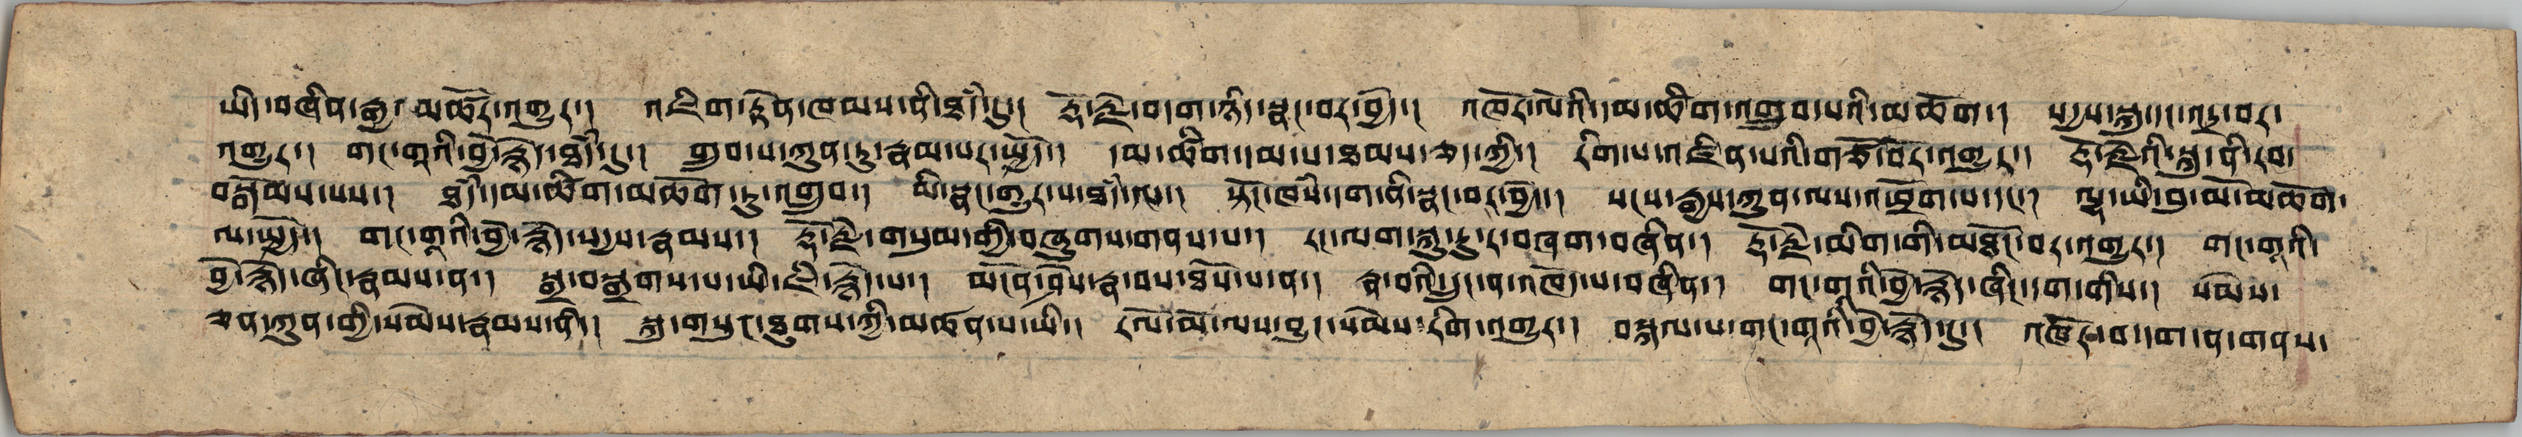ཡིད་བཞིན་རྒྱ་མཚོར་འགྱུར་། འཇིག་རྟེན་ཁམས་ནི་ཐཾད་དུ་། རྡོ་རྗེ་བདག་ཉིད་སྣང་བར་བྱེད་། འཁོར་ལོའི་དམ་ཚིག་འགྲུབ་པའི་མཆོག་། སདྱས་སྐུ་དང་འདྲ་བར་
འགྱུར་། གང་གཱའི་བྱེ་རྙེད་ཐཾད་དུ་། གྲུབ་པ་ཀུན་ཏུ་རྣམ་པར་སྤྱོད་། དམ་ཚིག་དམ་པ་ཐམས་ཅད་ཀྱི་། རིག་པ་འཛིན་པའི་གཙོ་བོར་འགྱུར་། རྡོ་རྗེའི་སྐུ་ནི་རབ་
བསྒོམས་པས་། ཐཾད་དམ་ཚིག་མཆོག་ཏུ་འགྲུབ་། མི་སྣང་འགྱུར་པ་ཐཾད་ལ་། སྟོང་ཁཾས་དག་ནི་སྣང་བར་བྱེད་། སངས་རྒྱས་ཀུན་ལས་འཕྲོག་པ་དང་། ལྷ་ཡི་བུ་མོ་མཆོག་
ལ་སྤྱོད་། གང་གཱའི་བྱེ་རྙེད་སདྱས་རྣམས་། རྡོ་རྗེ་གསུམ་གྱི་བཞུགས་གནས་པ་། རང་ལག་སྐྱུ་རུ་ར་བཞག་བཞིན་། རྡོ་རྗེ་མིག་གི་མཐོང་བར་འགྱུར་། གང་གཱའི་
བྱེ་རྙེད་ཞིང་རྣམས་ན་། སྒྲ་བསྒྲགས་པ་ཡི་ཇི་རྙེད་པ་། མངོན་ཤེས་རྣ་བས་ཐོས་པ་ན་། རྣ་བའི་དྲུང་ན་འཁོད་པ་བཞིན་། གང་གཱའི་བྱེ་རྙེད་ཞིང་དག་གིས་། སེམས་
ཅན་ཀུན་གྱི་སེམས་རྣམས་ནི་། སྐུ་གསུང་ཐུགས་ཀྱི་མཚན་པ་ཡི་། རོལ་མོ་ལས་བྱུང་སེམས་རིག་འགྱུར་། བསྐལ་པ་གང་གཱའི་བྱེ་རྙེད་དུ་། འཁོར་བ་དག་ན་གནས་